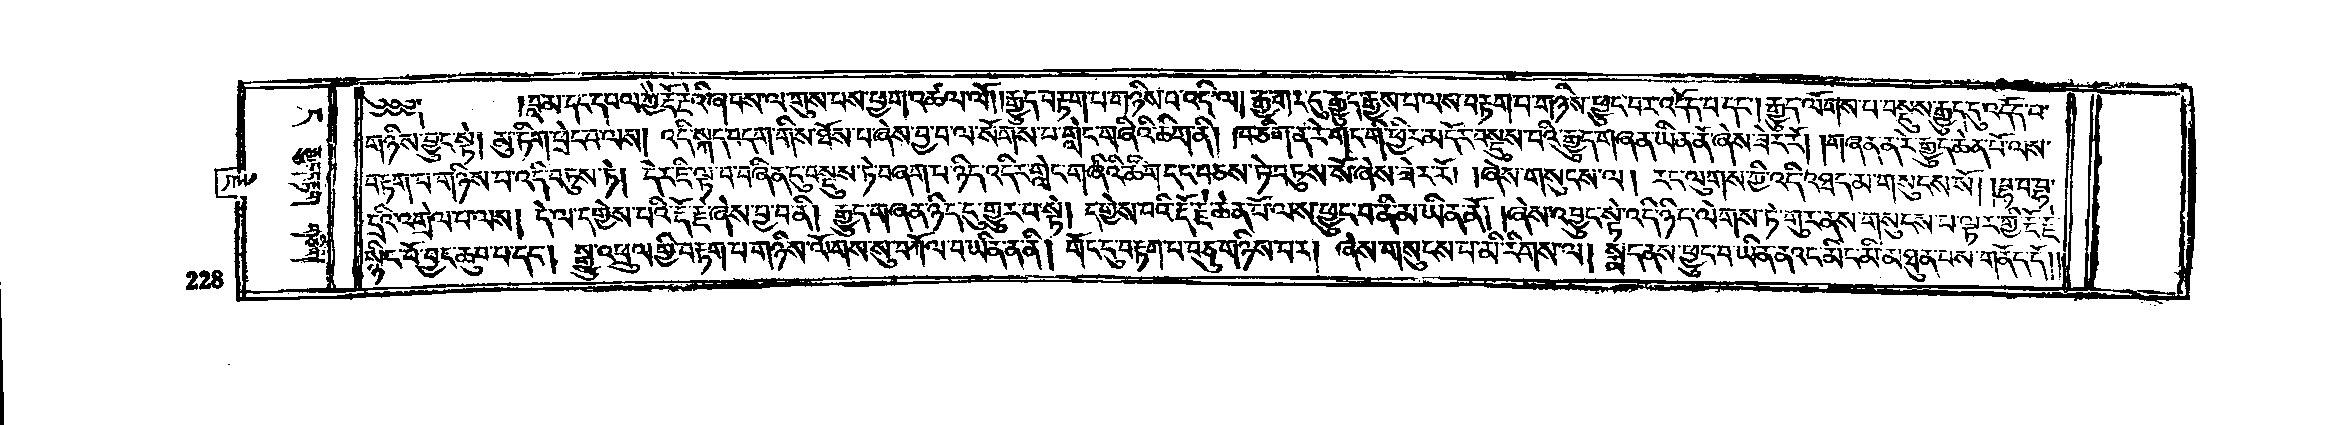༄༅༅། །བླ་མ་དང་དཔལ་ཀྱཻ་རྡོ་རྗེའི་ཞབས་ལ་གུས་པས་ཕྱག་འཚལ་ལོ། །རྒྱུད་བརྟག་པ་གཉིས་པ་འདི་ལ། རྒྱ་གར་དུ་རྒྱུད་རྒྱས་པ་ལས་བརྟག་པ་གཉིས་ཕུང་བར་འདོད་པ་དང་། རྒྱུད་ལོགས་པ་བསྡུས་རྒྱུད་དུ་འདོད་པ་
གཉིས་བྱུང་སྟེ། མུ་ཏིག་ཕྲེང་བ་ལས། འདི་སྐད་བདག་གིས་ཐོས་པ་ཞེས་བྱ་བ་ལ་སོགས་པ་གླེང་གཞིའི་ཚིག་ནི། ཁ་ཅིག་ན་རེ་གང་གི་ཕྱིར་མདོར་བསྡུས་པའི་རྒྱུད་གཞན་ཡིན་ནོ་ཞེས་ཟེར་རོ། །གཞན་ན་རེ་རྒྱུད་ཆེན་པོ་ལས་
བརྟག་པ་གཉིས་པ་འདི་བཏུས་ཏེ། དེར་ཇི་ལྟ་བ་བཞིན་དུ་བསྡུས་ཏེ་བཞག་པ་ཉིད་འདིར་གླེང་གཞིའི་ཚིག་དང་བཅས་ཏེ་བཏུས་སོ་ཞེས་ཟེར་རོ། །ཞེས་གསུངས་ལ། རང་ལུགས་ཀྱི་འདི་འཐད་མ་གསུངས་སོ། །བྷ་བ་བྷ་
དྲའི་འགྲེལ་པ་ལས། དེ་ལ་དགྱེས་པའི་རྡོ་རྗེ་ཞེས་བྱ་བ་ནི། རྒྱུད་གཞན་ཉིད་དུ་གྱུར་པ་སྟེ། དགྱེས་པའི་རྡོ་རྗེ་ཆེན་པོ་ལས་ཕྱུང་པོ་ནི་མ་ཡིན་ནོ། །ཞེས་འབྱུང་སྟེ་འདི་ཉིད་ལེགས་ཏེ་གུར་ནས་གསུངས་པ་ལྟར་གྱི་རྡོ་རྗེ་
སྙིང་པོ་བྱང་ཆུབ་པ་དང་། སྒྱུ་འཕྲུལ་གྱི་བརྟག་པ་གཉིས་ལོགས་སུ་བཀོལ་པ་ཡིན་ན་ནི། གོང་དུ་བརྟག་པ་བཅུ་གཉིས་པར། ཞེས་གསུངས་པ་མི་རིགས་ལ། སྨད་ནས་ཕྱུང་བ་ཡིན་ནའང་མིང་མི་མཐུན་པས་གནོད་དོ། །